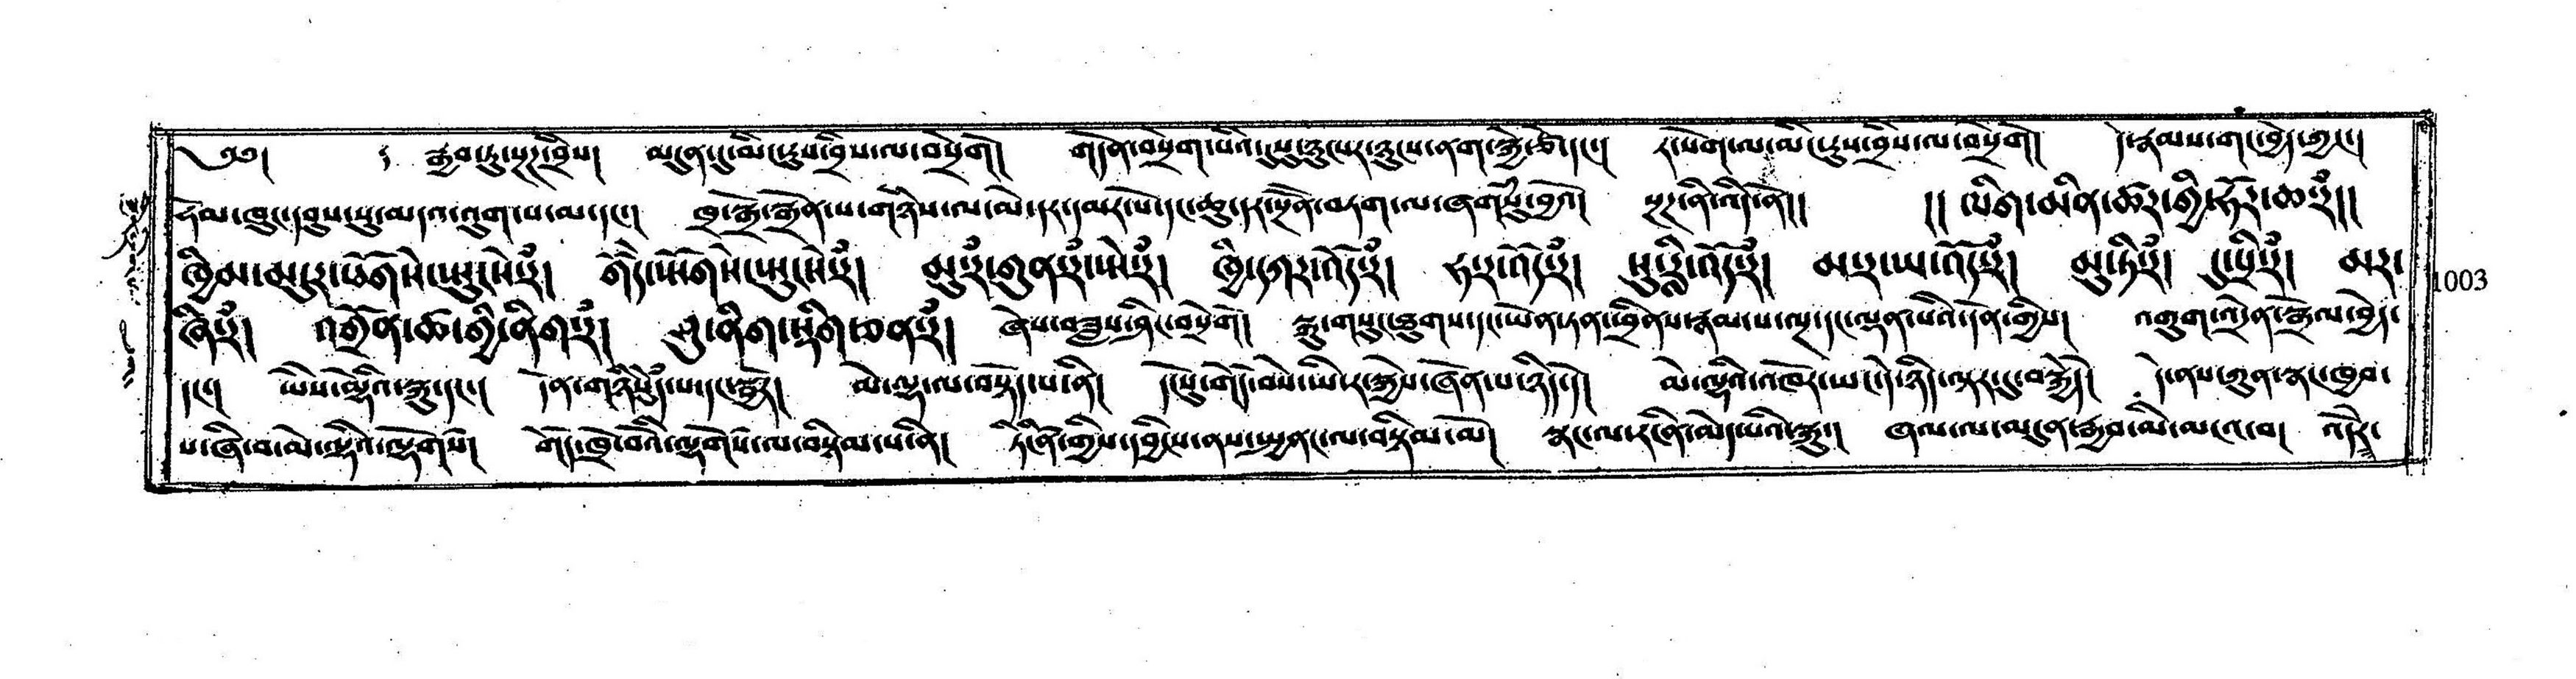རྒྱབ་ཏུ་སྔགས་བྲིས། མདུན་དུ་མིང་རུས་བྲིས་ལ་བསྲེག་གོ གདོན་བསྲེག་པའི་དུས་སུ་ཉུངས་དཀར་ཉུངས་ནག་སྐྱེ་ཙེ་དང་། ར་སོག་ལ་མིང་རུས་བྲིས་ལ་བསྲེག་གོ། དེ་རྣམས་གང་བྱེད་ཀྱང་། 
ཧོམ་ཁུང་དབུས་སུ་མདའ་འུག་པ་མ་དང་། ཁ་སྒྲོ་སྒྲོན་པ་གཉིས་ལ་མེ་དར་དམར་པོ་དང་ཆུ་དར་སྔོན་པོ་བཏག་ལ་ཞག་གསུམ་བྱའོ། སྔགས་ནི་འདི་ནོ།། །།ལིག་མིན་ཚར་གྱི་ཧོར་ཆ་རཾ།། 
ཁྱིམ་མདུར་ཕོགསེ་སྤུངསེ་རཾ། གེ་ཁོད་སྤོགསེ་སྤུངསེ་རཾ། ཨུ་རཾ་ཀུན་རཾ་སྤེ་རཾ། ཁྱི་དཀར་འོད་རཾ། ཧ་ར་འོད་རཾ། སུ་རླི་འོད་རཾ། མ་ར་ཡ་འོད་རཾ། མུ་ཏི་རཾ། དུ་སྲི་རཾ། མར་
ཞི་རཾ། འགྲོན་ཚ་གྱི་ནིག་རཾ། ཤུ་ནིག་སྡིག་ཅན་རཾ། ཞེས་བཟླས་ཤིང་བསྲེག་གོ སྐུ་གསུང་ཐུགས་དང་ཡོན་ཏན་ཕྲིན་ལས་རྣམ་པ་ལྔ་དང་ལྡན་པའི་དོན་གྱིས། འགུག་འདྲེན་སྒྲོལ་བྱེད་
དང་། ཡེ་ཤེས་ལྷ་འདྲེའི་སྐུ་དང་། དོན་གཉིས་སུ་མེད་པ་དང་སྦྱོར། མེ་ལྷ་ལ་བསྟོད་པ་ནི། དངོས་སུ་གེ་ཁོད་བསེ་ཡི་ར་སྐྱེས་ཞོན་པ་ཉིད་དོ། མེ་ལྷའི་འཁོར་ཡང་དེ་ཉིད་ལྟར་དུ་བསྐྱེད་དོ། དེ་ནས་ཀུན་སྣང་ཁྱབ་
པ་ཞི་བ་མེ་ལྷའི་ལྷ་ཚོགས། གེ་ཁོད་ཁྲོ་བོའི་ལྷ་ཚོགས་ལ་བསྟིམ་པ་ནི། ཏིང་འཛིན་གྱིས་དབྱིངས་ནས་སྤྱན་དྲངས་ལ་བསྟིམ་མོ། སྣང་ལ་རང་བཞིན་མེད་པའི་སྐུ། ཞལ་ལ་མདུན་རྒྱབ་མི་མངའ་བ། འོད་ཟེར་